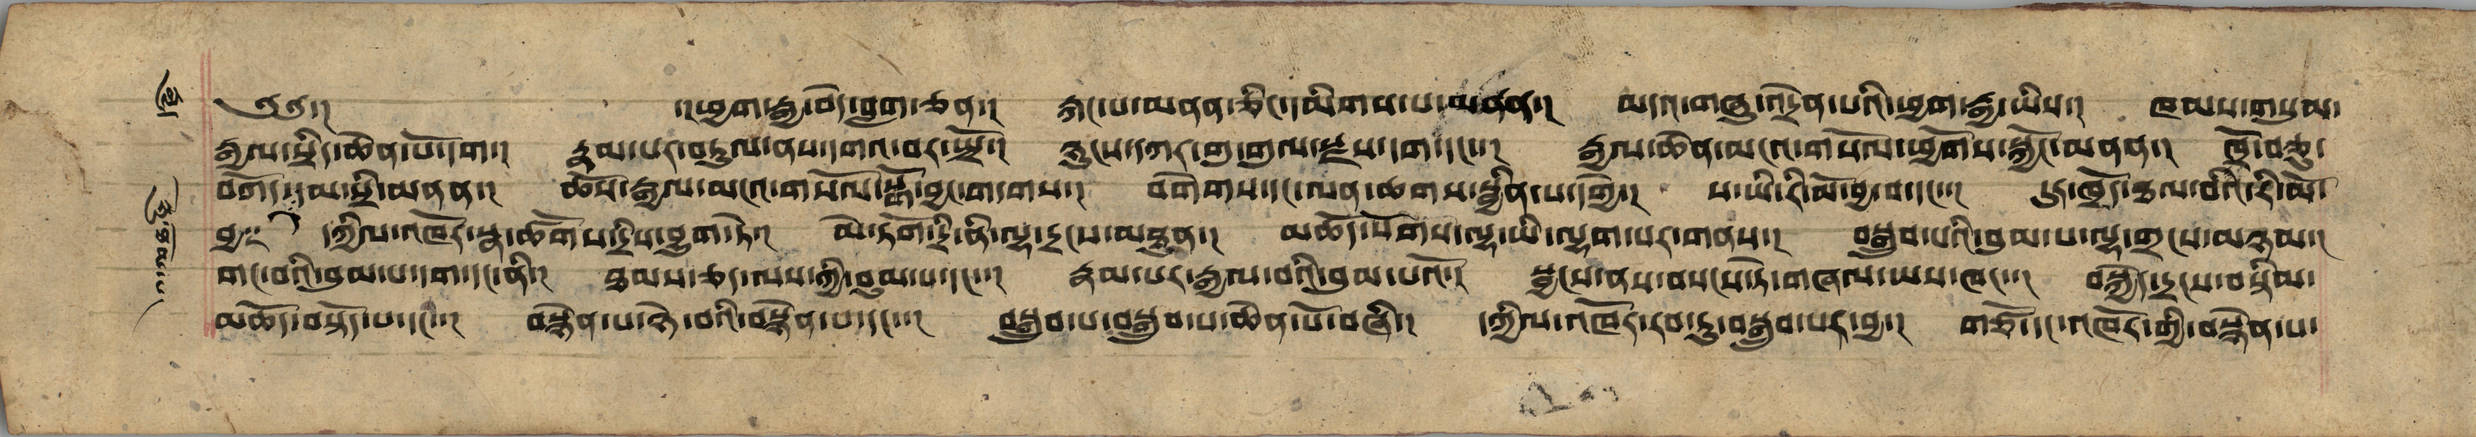་།ཕྱག་རྒྱ་བདེ་བླག་ཅན་། རྐང་པ་མནན་ཅིང་དམིགས་པ་མནན་། མདའ་གཞུ་འདྲེན་པའི་ཕྱག་རྒྱ་ཡིས་། ཁམས་གསུམ་
རྒྱལ་སྲིད་ཆེན་པོ་དག་། རྣམ་པར་བཏུལ་ནས་དགའ་བར་སྤྲོ་། ཉུངས་དཀར་གུ་གུལ་སྫས་དག་དང་་། རྒྱལ་ཆེན་མངའ་གསོལ་ཕྱོགས་སྐྱོང་མནན་། ཁྲོ་བཅུ་
བཀོད་དམ་སྲི་མནན་། ཆོས་རྒྱལ་མངའ་གསོལ་སྒོ་བྱང་གདགས་། བགེགས་དང་ལན་ཆགས་སྦྱིན་པ་དགྱེ་། ས་ཡི་རི་མོ་བྱ་བ་དང་་། དུར་ཁྲོད་ཐལ་བའི་རི་མོ་
བྱ༑ དཀྱིལ་འཁོར་སྣ་ཚོགས་དྲིས་བྱུག་ཏེ་། མེ་ཏོག་དྲི་ནི་ལྷ་དྲངས་མཐུན་། མཆོད་སོགས་ལྷ་ཡི་ལྷག་པར་གནས་། བསྒྲུབ་པའི་བུམ་པ་ལྷ་གྲངས་མཉམ་།
གང་བའི་བུམ་པ་དག་དང་ནི་། ཐམས་ཅད་ལས་ཀྱི་བུམ་པ་དང་་། རྣམ་པར་རྒྱལ་བའི་བུམ་པའོ་། སྦྱངས་ནས་བསངས་ཏེ་གཞལ་ཡས་ཁང་་། བསྐྱེད་དྲངས་བསྟིམ་
མཆོད་བསྟོད་པ་དང་་། བསྙེན་པ་ཉེ་བའི་བསྙེན་པ་དང་་། བསྒྲུབ་པ་བསྒྲུབ་པ་ཆེན་པོ་བཞི་། དཀྱིལ་འཁོར་རབ་ཏུ་བསྒྲུབ་པར་བྱྲ་། གཙོ་དང་འཁཽཽར་གྱི་བསྙེན་པ་